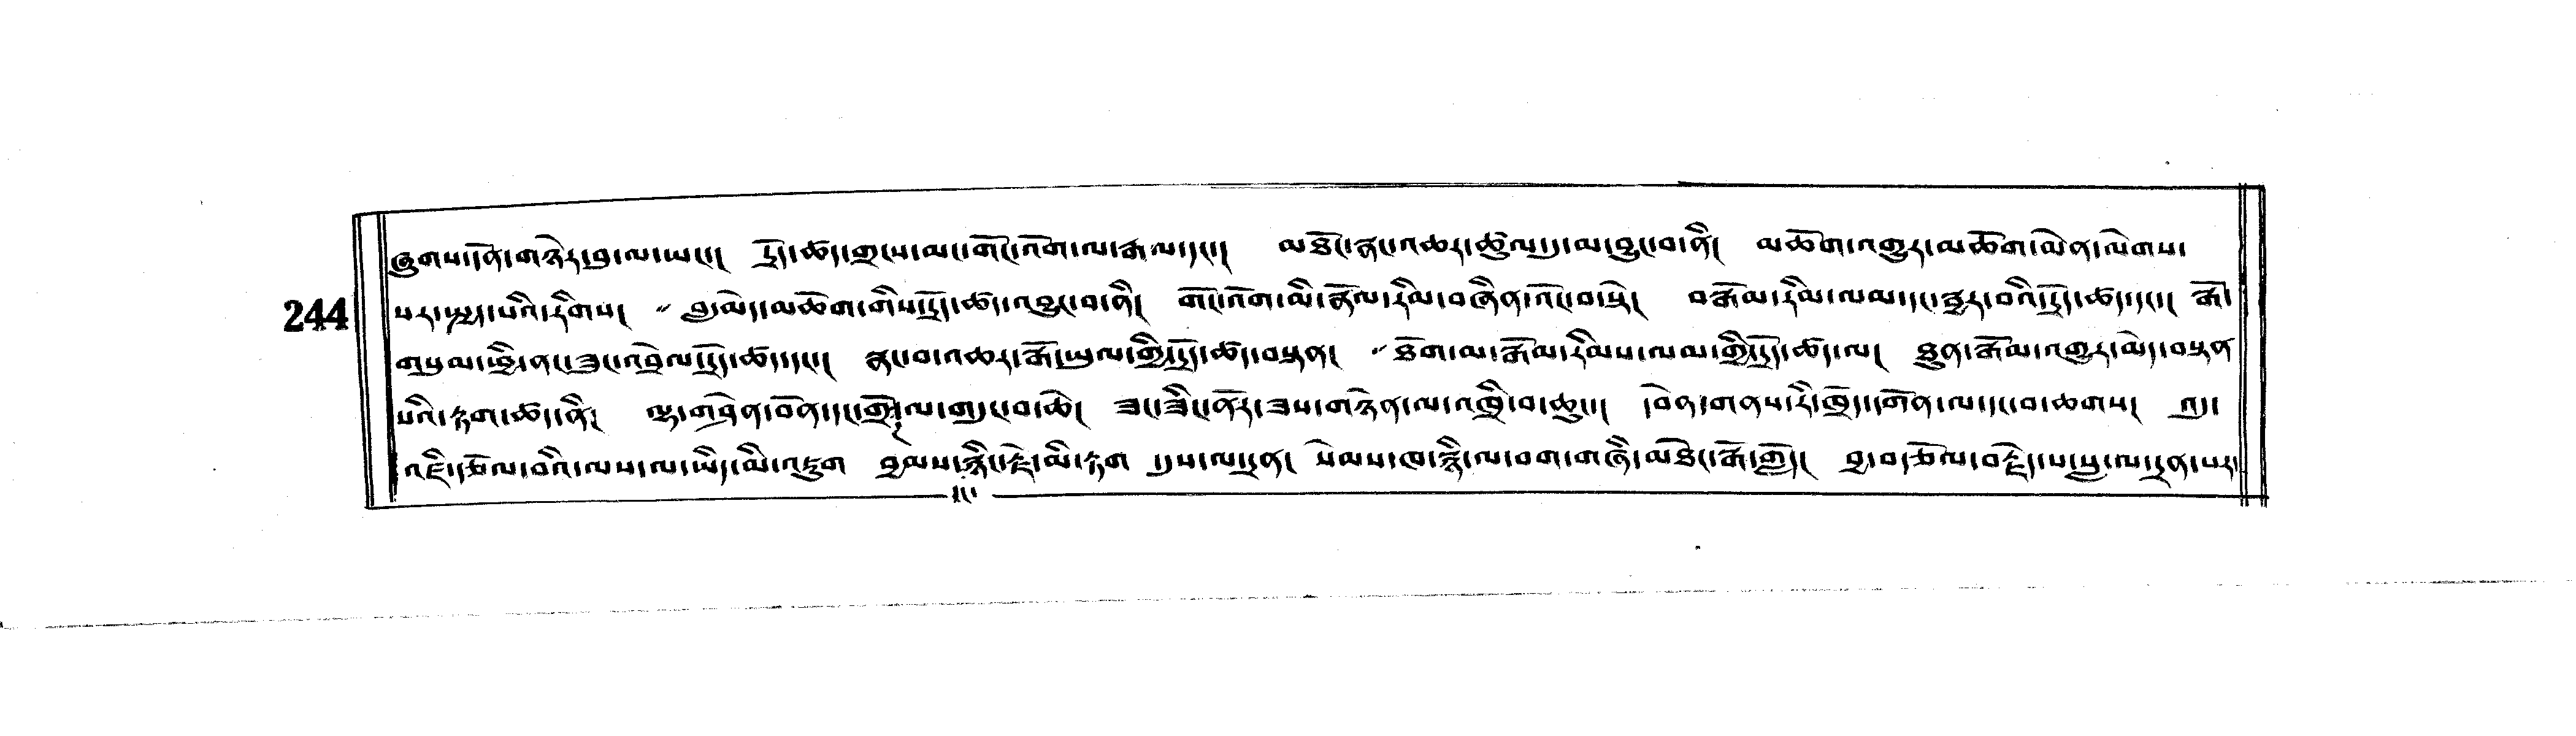ཞུགས་དོན་གཉེར་བུ་ལ་ཡང་། དྲོད་ཚད་གྲངས་མང་གོང་འོག་ལ་བརྒལ་དང་། མཐོང་སྣང་འཆར་ཚུལ་དུ་མ་བྱུང་བ་ནི། མཆོག་གྱུར་མཆོག་དམན་ལེགས་
པར་སྤྱད་པའི་རིགས། ༧ བླ་མེད་མཆོག་གི་དྲོད་ཚད་འབྱུང་བ་ནི། གོང་འོག་མི་བསྣོལ་རིམ་བཞིན་འོང་བ་སྟེ། བསྒོམ་རིམ་ལམ་དང་སྦྱར་བའི་དྲོད་ཚད་དང་། སྒོ་
གསུམ་ཕྱི་ནང་ཟུང་འབྲེལ་དྲོད་ཚད་དང་། སྣང་བ་འཆར་སྒོ་ཡུལ་གྱི་དྲོད་ཚད་བསྟན། ཐོག་མ་སྒོམ་རིམ་ལམ་གྱི་དྲོད་ཚད་ལ། ༧ ཐུན་སྒོམ་འགྱུར་མེད་བསྟན་
པའི་རྟགས་ཚད་ནི། ལྷ་གཤེན་བོན་དང་གྲོགས་ལ་གདུང་བ་ཆེ། ཟང་ཟིང་ནོར་ཟས་གཉེན་ལ་འཁྲི་བ་ཆུང་། དབེན་གནས་རི་ཁྲོད་དགོན་ལ་དང་བ་ཆགས། འདུ་
འཛི་རྩོལ་བའི་ལས་ལ་ཡིད་མི་འཇུག བྱམས་དང་སྙིང་རྗེ་མི་རྟག་དུས་ལ་དྲན། སེམས་ཁ་རྙི་ལ་བག་གཞི་མཐོང་སྒོ་གློད། བྱ་རྩོལ་བརྗེད་པ་སླ་ལ་དྲན་པར་